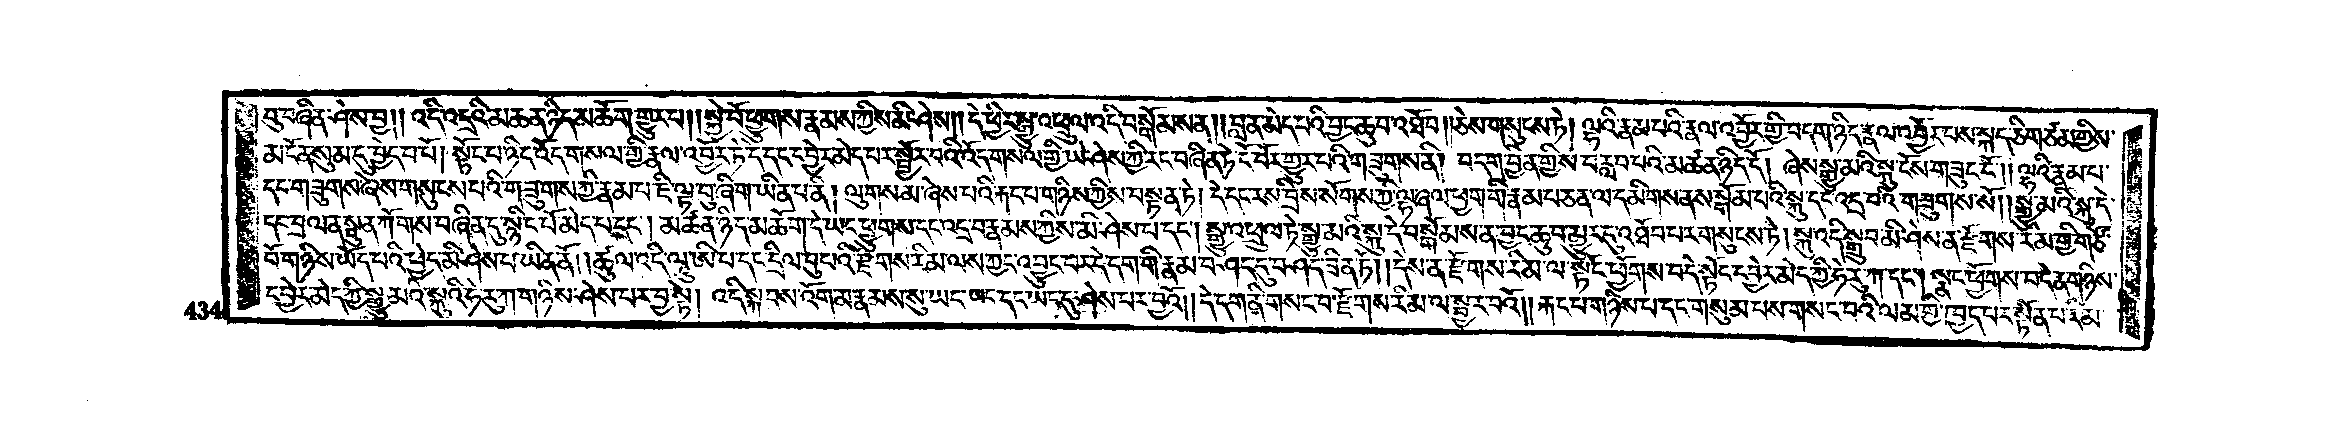བུ་བཞིན་ཤེས་བྱ། །འདི་འདྲའི་མཚན་ཉིད་མཆོག་གྱུར་པ། །སྐྱེ་བོ་ཕྱུགས་རྣམས་ཀྱིས་མི་ཤེས། །དེ་ཕྱིར་སྒྱུ་འཕྲུལ་འདི་བསྒོམས་ན། །བླ་ན་མེད་པའི་བྱང་ཆུབ་འཐོབ། །ཅེས་གསུངས་ཏེ། ལྷའི་རྣམ་པའི་རྣལ་འབྱོར་གྱི་བདག་ཉིད་རྣལ་འབྱོར་པས་སྐད་ཅིག་ཙམ་གྱིས་
མངོན་སུམ་དུ་བྱེད་པ་པོ། སྟོང་པ་ཉིད་འོད་གསལ་གྱི་རྣལ་འབྱོར་ཏེ་དེ་དང་དབྱེར་མེད་པར་སྦྱོར་བའི་འོད་གསལ་གྱི་ཡེ་ཤེས་ཀྱི་རང་བཞིན་ཏེ་ངོ་བོར་གྱུར་པའི་གཟུགས་ནི། བདག་བྱིན་གྱིས་བརླབ་པའི་མཚན་ཉིད་དོ། ཞེས་སྒྱུ་མའི་སྐུ་ངོས་གཟུང་ངོ། །ལྷའི་རྣམ་པ་
དང་གཟུགས་ཞེས་གསུངས་པའི་གཟུགས་ཀྱི་རྣམ་པ་ཇི་ལྟ་བུ་ཞིག་ཡིན་པ་ནི། ལུགས་མ་ཞེས་པའི་རྐང་པ་གཉིས་ཀྱིས་བསྟན་ཏེ། དེ་དང་རས་བྲིས་སོགས་ཀྱི་ལྷ་ཞལ་ཕྱག་གི་རྣམ་པ་ཅན་ལ་དམིགས་ནས་སྒོམ་པའི་སྐུ་དང་འདྲ་བའི་གཟུགས་སོ། །སྒྱུ་མའི་སྐུ་དེ་
དང་བྲལ་ན་སྦུན་ཀོགས་བཞིན་དུ་སྙིང་པོ་མེད་པ་དང་། མཚན་ཉིད་མཆོག་དེ་ཡང་ཕྱུགས་དང་འདྲ་བ་རྣམས་ཀྱིས་མི་ཤེས་པ་དང་། སྒྱུ་འཕྲུལ་ཏེ་སྒྱུ་མའི་སྐུ་དེ་བསྒོམས་ན་བྱང་ཆུབ་མྱུར་དུ་འཐོབ་པར་གསུངས་ཏེ། སྐུ་འདི་སྒྲུབ་མི་ཤེས་ན་རྫོགས་རིམ་གྱི་གཙོ་
བོ་གཉིས་ཡོད་པའི་ཕྱེད་མི་ཤེས་པ་ཡིན་ནོ། །ཚུལ་འདི་ལཱུ་ཨི་པ་དང་དྲིལ་བུ་པའི་རྫོགས་རིམ་ལས་ཀྱང་འབྱུང་བར་དེ་དག་གི་རྣམ་བཤད་དུ་བཤད་ཟིན་ཏོ། །དེས་ན་རྫོགས་རིམ་ལ་སྟོང་ཕྱོགས་བདེ་སྟོང་དབྱེར་མེད་ཀྱི་ཧེ་རུ་ཀ་དང་། སྣང་ཕྱོགས་བདེན་གཉིས་
དབྱེར་མེད་ཀྱི་སྒྱུ་མའི་སྐུའི་ཧེ་རུ་ཀ་གཉིས་ཤེས་པར་བྱ་སྟེ། འདི་སྐབས་འོག་མ་རྣམས་སུ་ཡང་ཡང་དང་ཡང་དུ་ཤེས་པར་བྱའོ། །དེ་དག་ནི་གསང་བ་རྫོགས་རིམ་ལ་སྦྱར་བའོ། །རྐང་པ་གཉིས་པ་དང་གསུམ་པས་གསང་བའི་ལམ་གྱི་ཁྱད་པར་སྟོན་པ་རིམ་